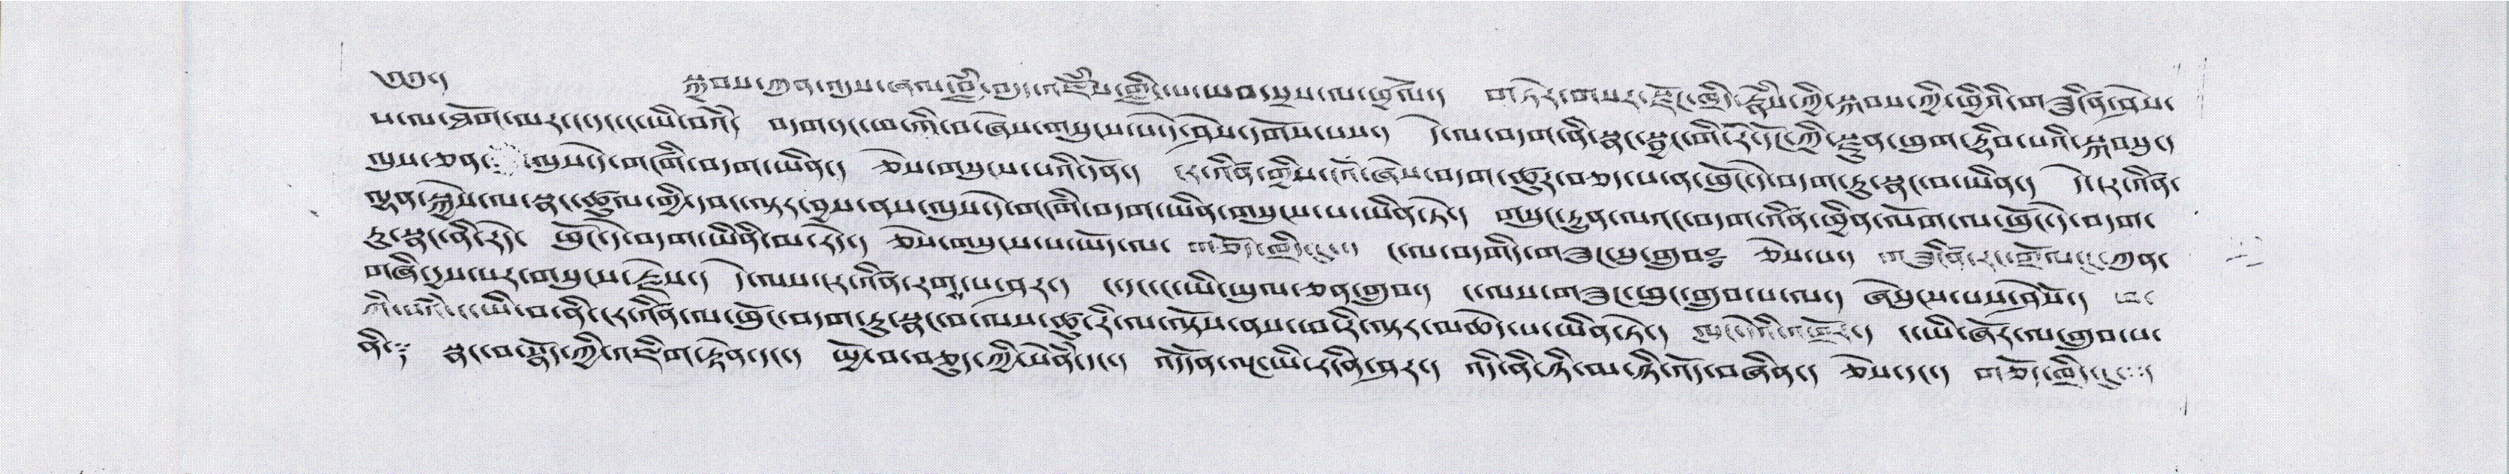༄༅།། སྐྱབས་ཀུན་འདུས་ཞལ་བླ་མ་བདུད་འཇོམས་གླིང་པ་ཡབ་སྲས་ལ་ཕྱག་འཚལ་ལོ། གཏེར་གསར་རྫོགས་ཁྲིད་རྣམས་ཀྱི་སྐབས་ཀྱི་ཕྱིའི་གཟུང་འཛིན་ཤེས་
པ་ལ་ཐོག་མར་ང་དང་ང་ཡི་བའམ། བདག་དང་ཕ་གི་བ་ཞེས་གསུངས་པ་དེ་ཤེས་དགོས་པས། དེ་ལ་བདག་ནི་སྣང་སྦྱང་གི་རེ་དྭོགས་ཀྱི་རྫུན་ཕུག་རྡིབ་པའི་སྐབས་སུ་
ལུས་ཅན་ལུས་དེ་གང་ཟག་གི་བདག་ཡིན། ཅེས་གསུངས་པའི་དོན། ངར་འཛིན་གྱིས་ངའོ་ཞེས་བདག་ཚུར་བཅད་པ་ན་ཕུང་པོ་དེ་བདག་ཏུ་སྣང་བ་ཡིན། དེ་ངར་འཛིན་
ལྷན་སྐྱེས་ལ་སྣང་ཚུལ་གྱི་དབང་ལྟར་བྱས་ནས་ལུས་དེ་གང་ཟག་གི་བདག་ཡིན་གསུངས་པ་ཡིན་ཏེ། གསུང་རྒྱུན་ལའང་བདག་འཛིན་ཕྱིན་ལོག་ལ་ཕུང་པོ་དེ་བདག་
ཏུ་སྣང་ནི་རེད། ཕུང་པོ་དེ་བདག་ཡིན་ནི་མ་རེད། ཅེས་གསུངས་པ་ཡོད་ལ། གཅོད་ཁྲིད་དུས། ང་ལ་བདག་ཉིད་གཟུགས་སུ་གྲུབཿ ཅེས་པ། གཟུང་འཛིན་རང་གྲོལ་དུ་ཀུན་
གཞི་རྒྱས་པར་གསུངས་རྗེས་དེ་ལས་ངར་འཛིན་རགས་པ་ཤར། ང་དང་ང་ཡི་ཡུལ་ཅན་གྲུབ། ང་ལས་གཟུགས་ཕུང་གྲུབ་པ་ལ། ཞེས་གསུངས་པས་ཤེས་སོ། ཕ་
ཀི་བའམ་ང་ཡི་བ་ནི་ངར་འཛིན་ལ་ཕུང་པོ་བདག་ཏུ་སྣང་བ་ལས་ཚུར་རི་ལ་ལྟོས་ནས་ཕ་རི་ལྟར་མཆེད་པ་ཡིན་ཏེ། ལུང་དེའི་འཕྲོར། ང་ཡི་ཞོར་ལ་གྲུབ་པ་
ནི། སྣང་བ་སྣོད་ཀྱི་འཇིག་རྟེན་དང་། གཡོ་བ་བཅུད་ཀྱི་སེམས་ཅན་དང་། འདོད་ཡོན་ལྔ་ཡི་རང་བཞིན་ཤར། འདི་ནི་ཉི་མ་ཉི་འོད་བཞིན། ཅེས་དང་། གཅོད་ཁྲིད་དུས།